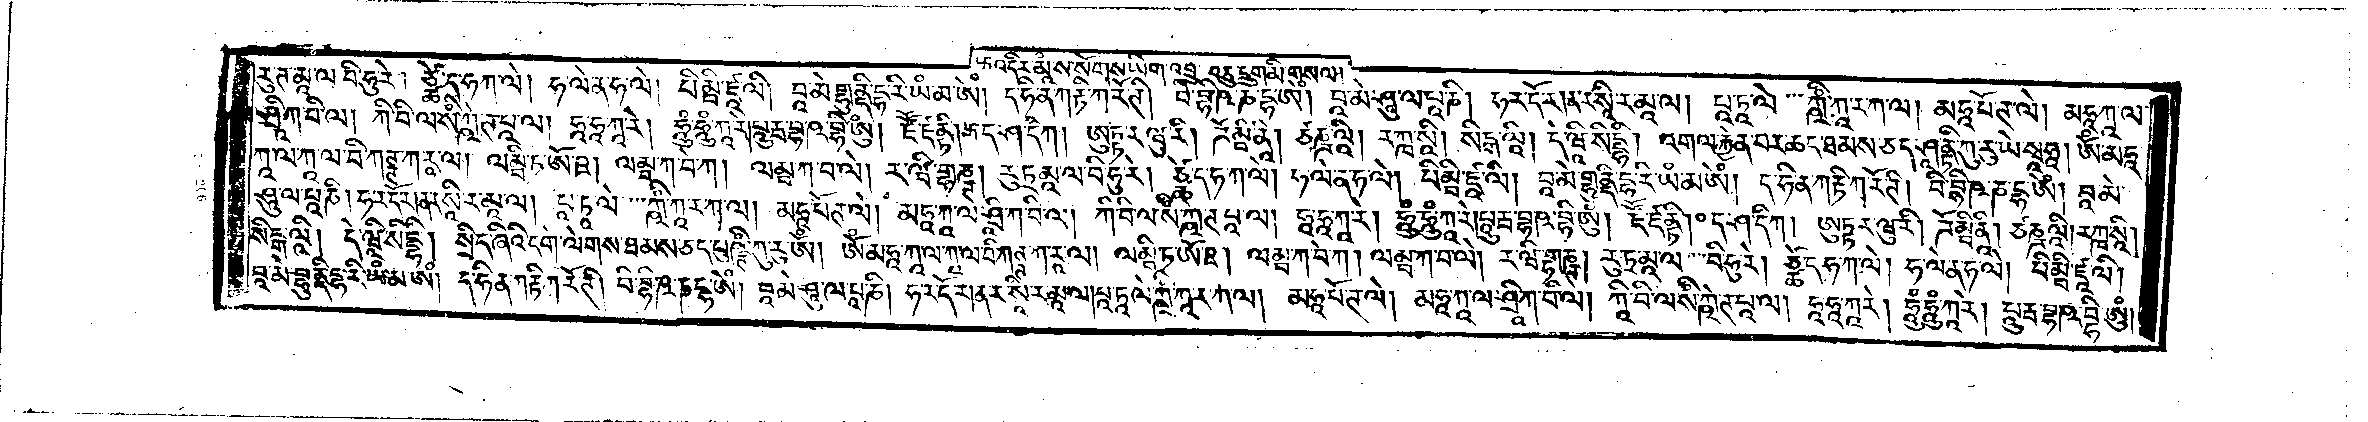དུ་ཊ་མཱ་ལ་བི་ཧུ་རེ། ཙྪེ་ད་ཧ་ཀ་ལེ། ཧ་ལེན་ཧ་ལེ། བི་མཱི་ཛཱ་ལི། བཱ་མེ་གྷུནྡི་དྷ་རི་ཡཾ་མ་ཨེཾ། ད་ཧི་ན་ཀ་རྟི་ཀ་རོ་ཊི། བི་བྷི་ཥ་ཎ་དྷ་ཨེ། བཱ་མེ་ཤཱུ་ལ་པཱ་ཎི། ཧ་ར་དོར་ཤར་སཱི་ར་མཱ་ལ། པཱ་ཏཱ་ལེ་ཀྵིཾ་ཀཱ་ར་ཀ་ལ། མ་ཧཱ་པོ་ཊ་ལེ། མྷཱ་ཀཱ་ལ་
ཤྲཱི་ཀ་བི་ལ། ཀི་བི་ལ་སཾ་ཀྵེ་ཊ་པཱ་ལ། ཧཱ་ཧཱ་ཀཱ་རེ། ཧཱུཾ་ཧཱུཾ་ཀཱ་རེ། པཱུརྦ་བྷ་ཥ་བྷི་ཨུཾ། ཛོ་ཛ་ནྟི། ད་ཤ་དིཀ། ཨུཏྟ་ར་ཝུ་རི། ཌོ་མྦི་ནཱི། ཙཎྜ་ལཱི། རཀྑ་སཱི། སིངྒ་ལཱི། དེ་ཝཱི་སིངྔྷི། འགལ་རྐྱེན་བར་ཆད་ཐམས་ཅད་ཤནྟི་ཀུ་རུ་ཡེ་སྭཱཧཱ། ཨོཾ་མྷཱ་
ཀཱ་ལ་ཀཱ་ལ་བི་ཀཊྚ་ཀ་རཱ་ལ། ལ་མྦི་ཏ་ཨོ་ཊཿཨ། ལམྦ་ཀ་བེ་ཀ། ལམྦ་ཀ་བ་ལེ། ར་ཝི་གྷཎྜ། རུ་ཏྲ་མཱ་ལ་བི་ཧུ་རེ། ཙྪེད་ཧ་ཀ་ལེ། ཧ་ལེན་ཧ་ལེ། པིམྦི་ཛཱ་ལི། བཱ་མེ་གྷུ་ནྡི་དྷ་རི་ཡཾ་མ་ཨེཾ། ད་ཧི་ན་ཀ་རྟི་ཀ་རོ་ཊི། བི་བྷི་ཥ་ཎ་དྷ་ཨཾ། བཱ་མེ་
ཤཱུ་ལ་པཱ་ཎི། ཧར་དོར། ནར་སཱི་ར་མཱ་ལ། པཱ་ཏཱ་ལེ་ཀྵཾཨི་ཀཱ་ར་ཀ་ལ། མཧཱ་པོ་ཊ་ལེ། མཧཱ་ཀཱ་ལ་ཤྲཱི་ཀ་བི་ལ། ཀི་བི་ལ་སི་ཀྵེ་ཊ་པཱ་ལ། ཧཱ་ཧཱ་ཀཱ་རེ། ཧཱུཾ་ཧཱུཾ་ཀཱ་རེ། པཱུརྦ་བྷ་ཥ་བྷི་ཨུཾ། ཛཽ་ཛནྟི། ད་ཤ་དིཀ། ཨུཏྟ་ར་ཝུ་རི། ཌོ་མྦི་ནཱི། ཙཎྜ་ལཱི། རཀྑ་སཱི།
སིངྒ་ལཱི། དེ་ཝཱི་སིངྷ། སྲིད་ཞིའི་དགེ་ལེགས་ཐམས་ཅད་པུཥྚཾཨི་ཀུ་རུ་ཨོཾ། ཨོཾ་མཧཱ་ཀཱ་ལ་ཀཱ་ལ་བི་ཀཊྚ་ཀ་རཱ་ལ། ལམྦི་ཏ་ཨོཾ་ཊཿཨ། ལམྦ་ཀ་བེ་ཀ། ལམྦ་ཀ་བ་ལེ། ར་ཝི་གཏཎཊ། རུ་ཏྲ་མཱ་ལ། བི་ཧུ་རེ། ཙྪེ་ད་ཧ་ཀ་ལེ། ཧ་ལེན་ཧ་ལེ། པི་མྦི་ཛཱ་ལི།
བཱ་མེ་གྷུནྡི་དྷ་རི་ཡམ་ཨོཾ། ད་ཧི་ན་ཀརྟིཀ་རོ་ཊི། བི་བྷི་ཥ་ཎ་སྟ་ཨོཾ། བཱ་མེ་ཤཱུ་ལ་པཱ་ཎི། ཧར་དོར་མར་སཱིར་མཱ་ལ། པཱ་ཏཱ་ལེ་ཀྵཾཨི་ཀཱ་ར་ཀ་ལ། མྷཱ་པོ་ཊ་ལེ། མྷཱ་ཀཱ་ལ་ཤྲཱིཀ་བི་ལ། ཀཱི་བི་ལ་སཾཨི་ཀྵེ་ཊ་པཱ་ལ། ཧཱ་ཧཱ་ཀཱ་རེ། ཧཱུཾ་ཧཱུཾ་ཀཱ་རེ། པཱུ་རྦ་བྷ་ཥ་བྷི་ཨུཾ།